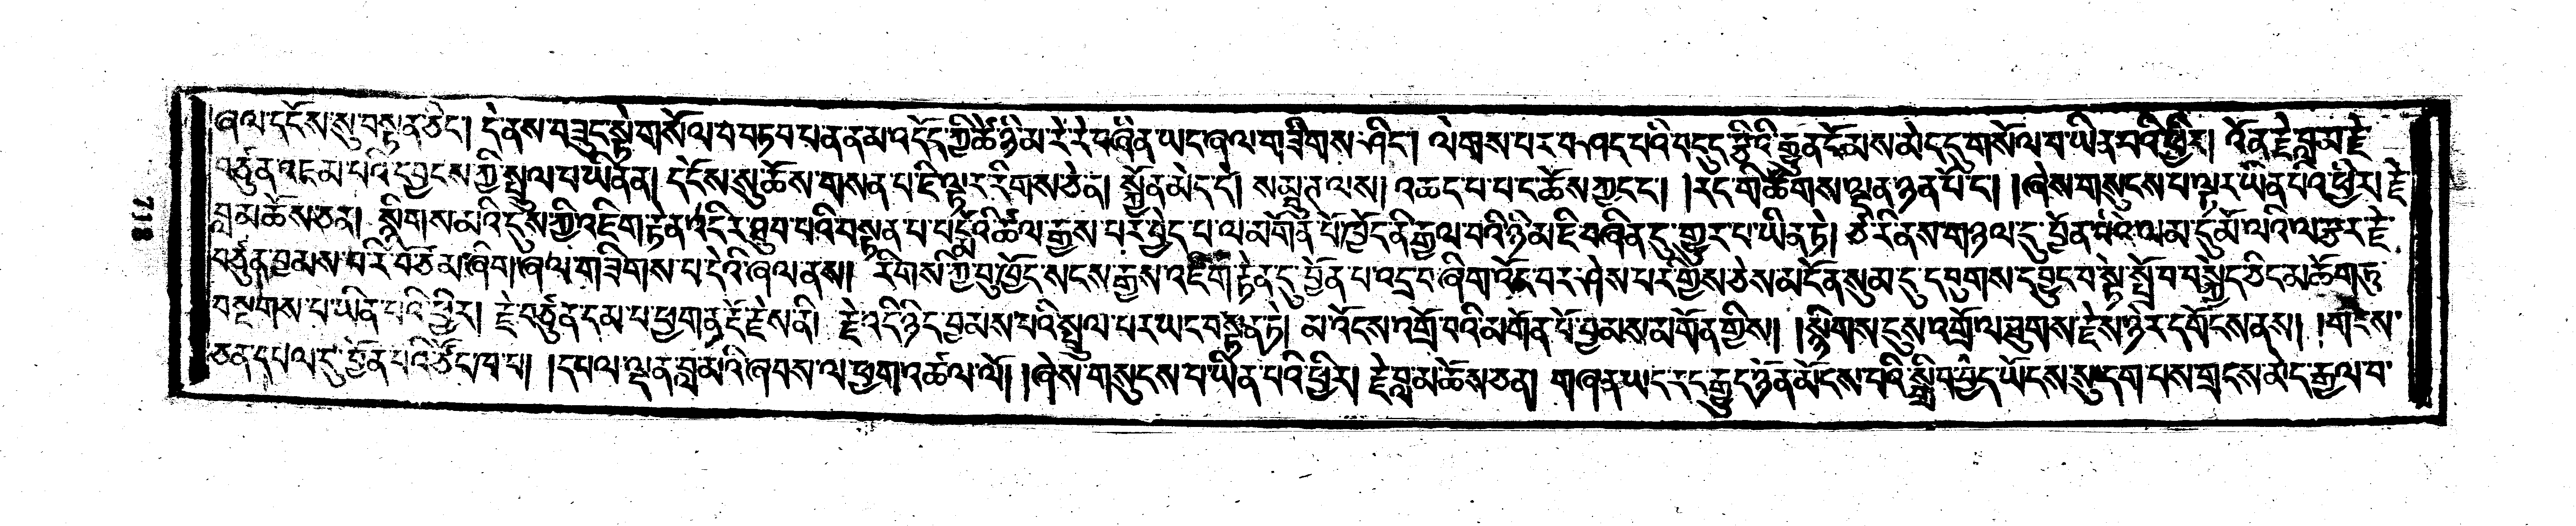ཞལ་དངོས་སུ་བསྟན་ཅིང་། དེ་ནས་བཟུང་སྟེ་གསོལ་བ་བཏབ་པ་ན་ནམ་འདོད་ཀྱི་ཚེ་ཉི་མ་རེ་རེ་བཞིན་ཡང་ཞལ་གཟིགས་ཤིང་། ལེགས་པར་བཤད་པའི་བདུད་རྩིའི་རྒྱུན་ངོམས་མེད་དུ་གསོལ་བ་ཡིན་པའི་ཕྱིར། འོ་ན་རྗེ་བླ་མ་རྗེ་
བཙུན་འཇམ་པའི་དབྱངས་ཀྱི་སྤྲུལ་པ་ཡིན་ན། དངོས་སུ་ཆོས་གསན་པ་ཇི་ལྟར་རིགས་ཅེ་ན། སྐྱོན་མེད་དེ། སམྦུ་ཊ་ལས། འཆད་པ་པོ་ང་ཆོས་ཀྱང་ང་། །རང་གི་ཚིགས་ལྡན་ཉན་པོ་ང་། །ཞེས་གསུངས་པ་ལྟར་ཡིན་པའི་ཕྱིར། རྗེ་
བླ་མ་ཆོས་ཅན། སྙིགས་མའི་དུས་ཀྱི་འཇིག་རྟེན་འདིར་ཐུབ་པའི་བསྟན་པ་པདམོའི་ཚལ་རྒྱས་པར་བྱེད་པ་ལ་མགོན་པོ་ཁྱོད་ནི་རྒྱལ་བའི་ཉི་མ་ཇི་བཞིན་དུ་གྱུར་པ་ཡིན་ཏེ། ཙ་རི་ནས་གཉལ་དུ་བྱོན་པའི་ལམ་དུ་མོ་ལའི་ལ་རྩར་རྗེ་
བཙུན་བྱམས་པ་རི་བོ་ཙམ་ཞིག་ཞལ་གཟིགས་པ་དེའི་ཞལ་ནས། རིགས་ཀྱི་བུ་ཁྱོད་སངས་རྒྱས་འཇིག་རྟེན་དུ་བྱོན་པ་འདྲ་བ་ཞིག་འོང་བར་ཤེ་པར་གྱིས་ཅེས་མངོན་སུམ་དུ་དབུགས་དབྱུང་བ་སྟེ་སྤྲོ་བ་བསྐྱེད་ཅིང་མཆོག་ཏུ་
བསྔགས་པ་ཡིན་པའི་ཕྱིར། རྗེ་བཙུན་དམ་པ་ཕྱག་ན་རྡོ་རྗེས་ནི། རྗེ་འདི་ཉིད་བྱམས་པའི་སྤྲུལ་པར་ཡང་བསྟན་ཏེ། མ་འོངས་འགྲོ་བའི་མགོན་པོ་བྱམས་མགོན་གྱིས། །སྙིགས་དུས་འགྲོ་ལ་ཐུགས་རྗེས་ཉེར་དགོངས་ནས། །གངས་
ཅན་དཔལ་དུ་བྱོན་པའི་ཙོང་ཁ་པ། །དཔལ་ལྡན་བླ་མའི་ཞབས་ལ་ཕྱག་འཚལ་ལོ། །ཞེས་གསུངས་པ་ཡིན་པའི་ཕྱིར། རྗེ་བླ་མ་ཆོས་ཅན། གཞན་ཡང་རང་རྒྱུད་ཉོན་མོངས་པའི་སྒྲིབ་བྱེད་ཡོངས་སུ་དག་པས་གྲངས་མེད་རྒྱལ་བ་